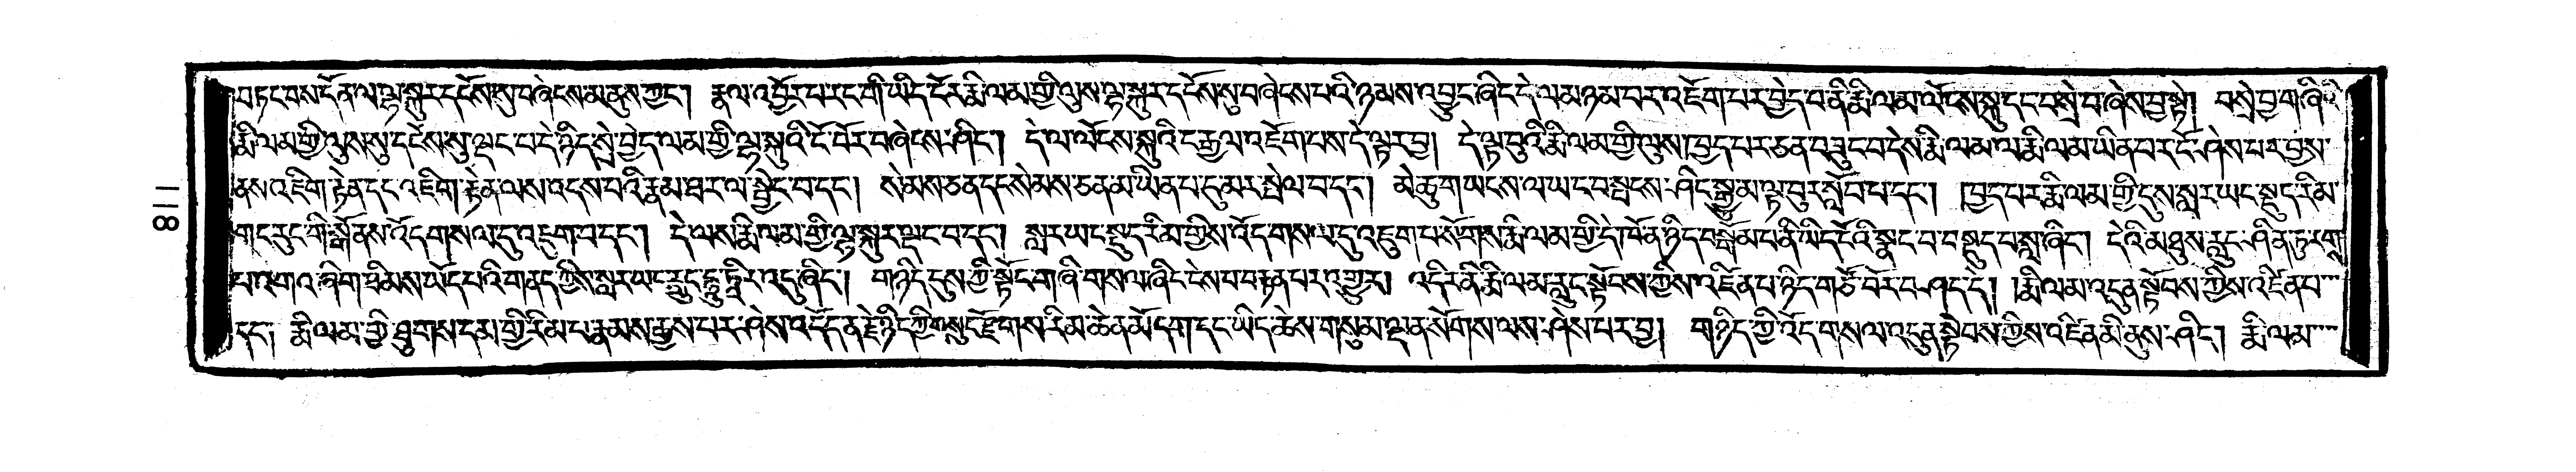བཏང་བས་དོན་ལ་ལྷ་སྐུར་དངོས་སུ་བཞེངས་མ་ནུས་ཀྱང་། རྣལ་འབྱོར་པ་རང་གི་ཡིད་ངོར་རྨི་ལམ་གྱི་ལུས་ལྷ་སྐུར་དངོས་སུ་བཞེངས་པའི་ཉམས་འབྱུང་ཞིང་དེ་ལ་མཉམ་པར་འཇོག་པར་བྱེད་པ་ནི་རྨི་ལམ་ལོངས་སྐུ་དང་བསྲེས་ཞེས་བྱ་སྟེ། བསྲེ་བྱ་གཞིའི་
རྨི་ལམ་གྱི་ལུས་སུ་དངོས་སུ་ལྡང་པ་དེ་ཉིད་སྲེ་བྱེད་ལམ་གྱི་ལྷ་སྐུའི་ངོ་བོར་བཞེངས་ཤིང་། དེ་ལ་ལོངས་སྐུའི་ང་རྒྱལ་འཇོག་པས་དེ་ལྟར་བྱ། དེ་ལྟ་བུའི་རྨི་ལམ་གྱི་ལུས་ཁྱད་པར་ཅན་བཟུང་བ་དེས་རྨི་ལམ་ལ་རྨི་ལམ་ཡིན་པར་ངོ་ཤེས་པར་བྱས་
ནས་འཇིག་རྟེན་དང་འཇིག་རྟེན་ལས་འདས་པའི་རྣམ་ཐར་ལ་སྦྱོང་བ་དང་། སེམས་ཅན་དང་སེམས་ཅན་མ་ཡིན་པ་དུ་མར་སྤེལ་བ་དང་། མེ་ཆུ་གཡང་ས་ལ་ཡང་བ་སྤངས་ཤིང་སྒྱུ་མ་ལྟ་བུར་སློབ་པ་དང་། ཁྱད་པར་རྨི་ལམ་གྱི་དུས་སླར་ཡང་སྡུད་རིམ་
གང་རུང་གི་སྒོ་ནས་འོད་གསལ་དུ་འཇུག་པ་དང་། དེ་ལས་རྨི་ལམ་གྱི་ལྷ་སྐུར་ལྡང་བ་དང་། སླར་ཡང་སྡུད་རིམ་གྱིས་འོད་གསལ་དུ་འཇུག་པ་སོགས་རྨི་ལམ་གྱི་དེ་ཁོ་ན་ཉིད་བསྒོམ་པ་ནི་ཡིད་ངོའི་སྣང་བ་བསྡུད་པ་སླ་ཞིང་། དེའི་མཐུས་རླུང་ཤིན་ཏུ་རགས་
པ་འགའ་ཞིག་ཐིམས་ཡོད་པའི་གནད་ཀྱིས་སླར་ཡང་རླུང་དྷཱུ་ཏཱིར་འདུ་ཞིང་། གཉིད་དུས་ཀྱི་སྟོང་གཞི་གསལ་ཞིང་ངེས་པ་བརྟན་པར་འགྱུར། འདིར་ནི་རྨི་ལམ་རླུང་སྟོབས་ཀྱིས་འཛིན་པ་ཉིད་གཙོ་བོར་བཤད་དེ། རྨི་ལམ་འདུན་སྟོབས་ཀྱིས་འཛིན་པ་
དང༑ རྨི་ལམ་གྱི་ཐུགས་དམ་གྱི་རིམ་པ་རྣམས་རྒྱས་པར་ཤེས་འདོད་ན་རྗེ་ཉིད་ཀྱི་གསུང་རྫོགས་རིམ་ཆེན་མོ་དག་དང་ཡིད་ཆེས་གསུམ་ལྡན་སོགས་ལས་ཤེས་པར་བྱ། གཉིད་ཀྱི་འོད་གསལ་འདུན་སྟོབས་ཀྱིས་འཛིན་མི་ནུས་ཤིང་། རྨི་ལམ་